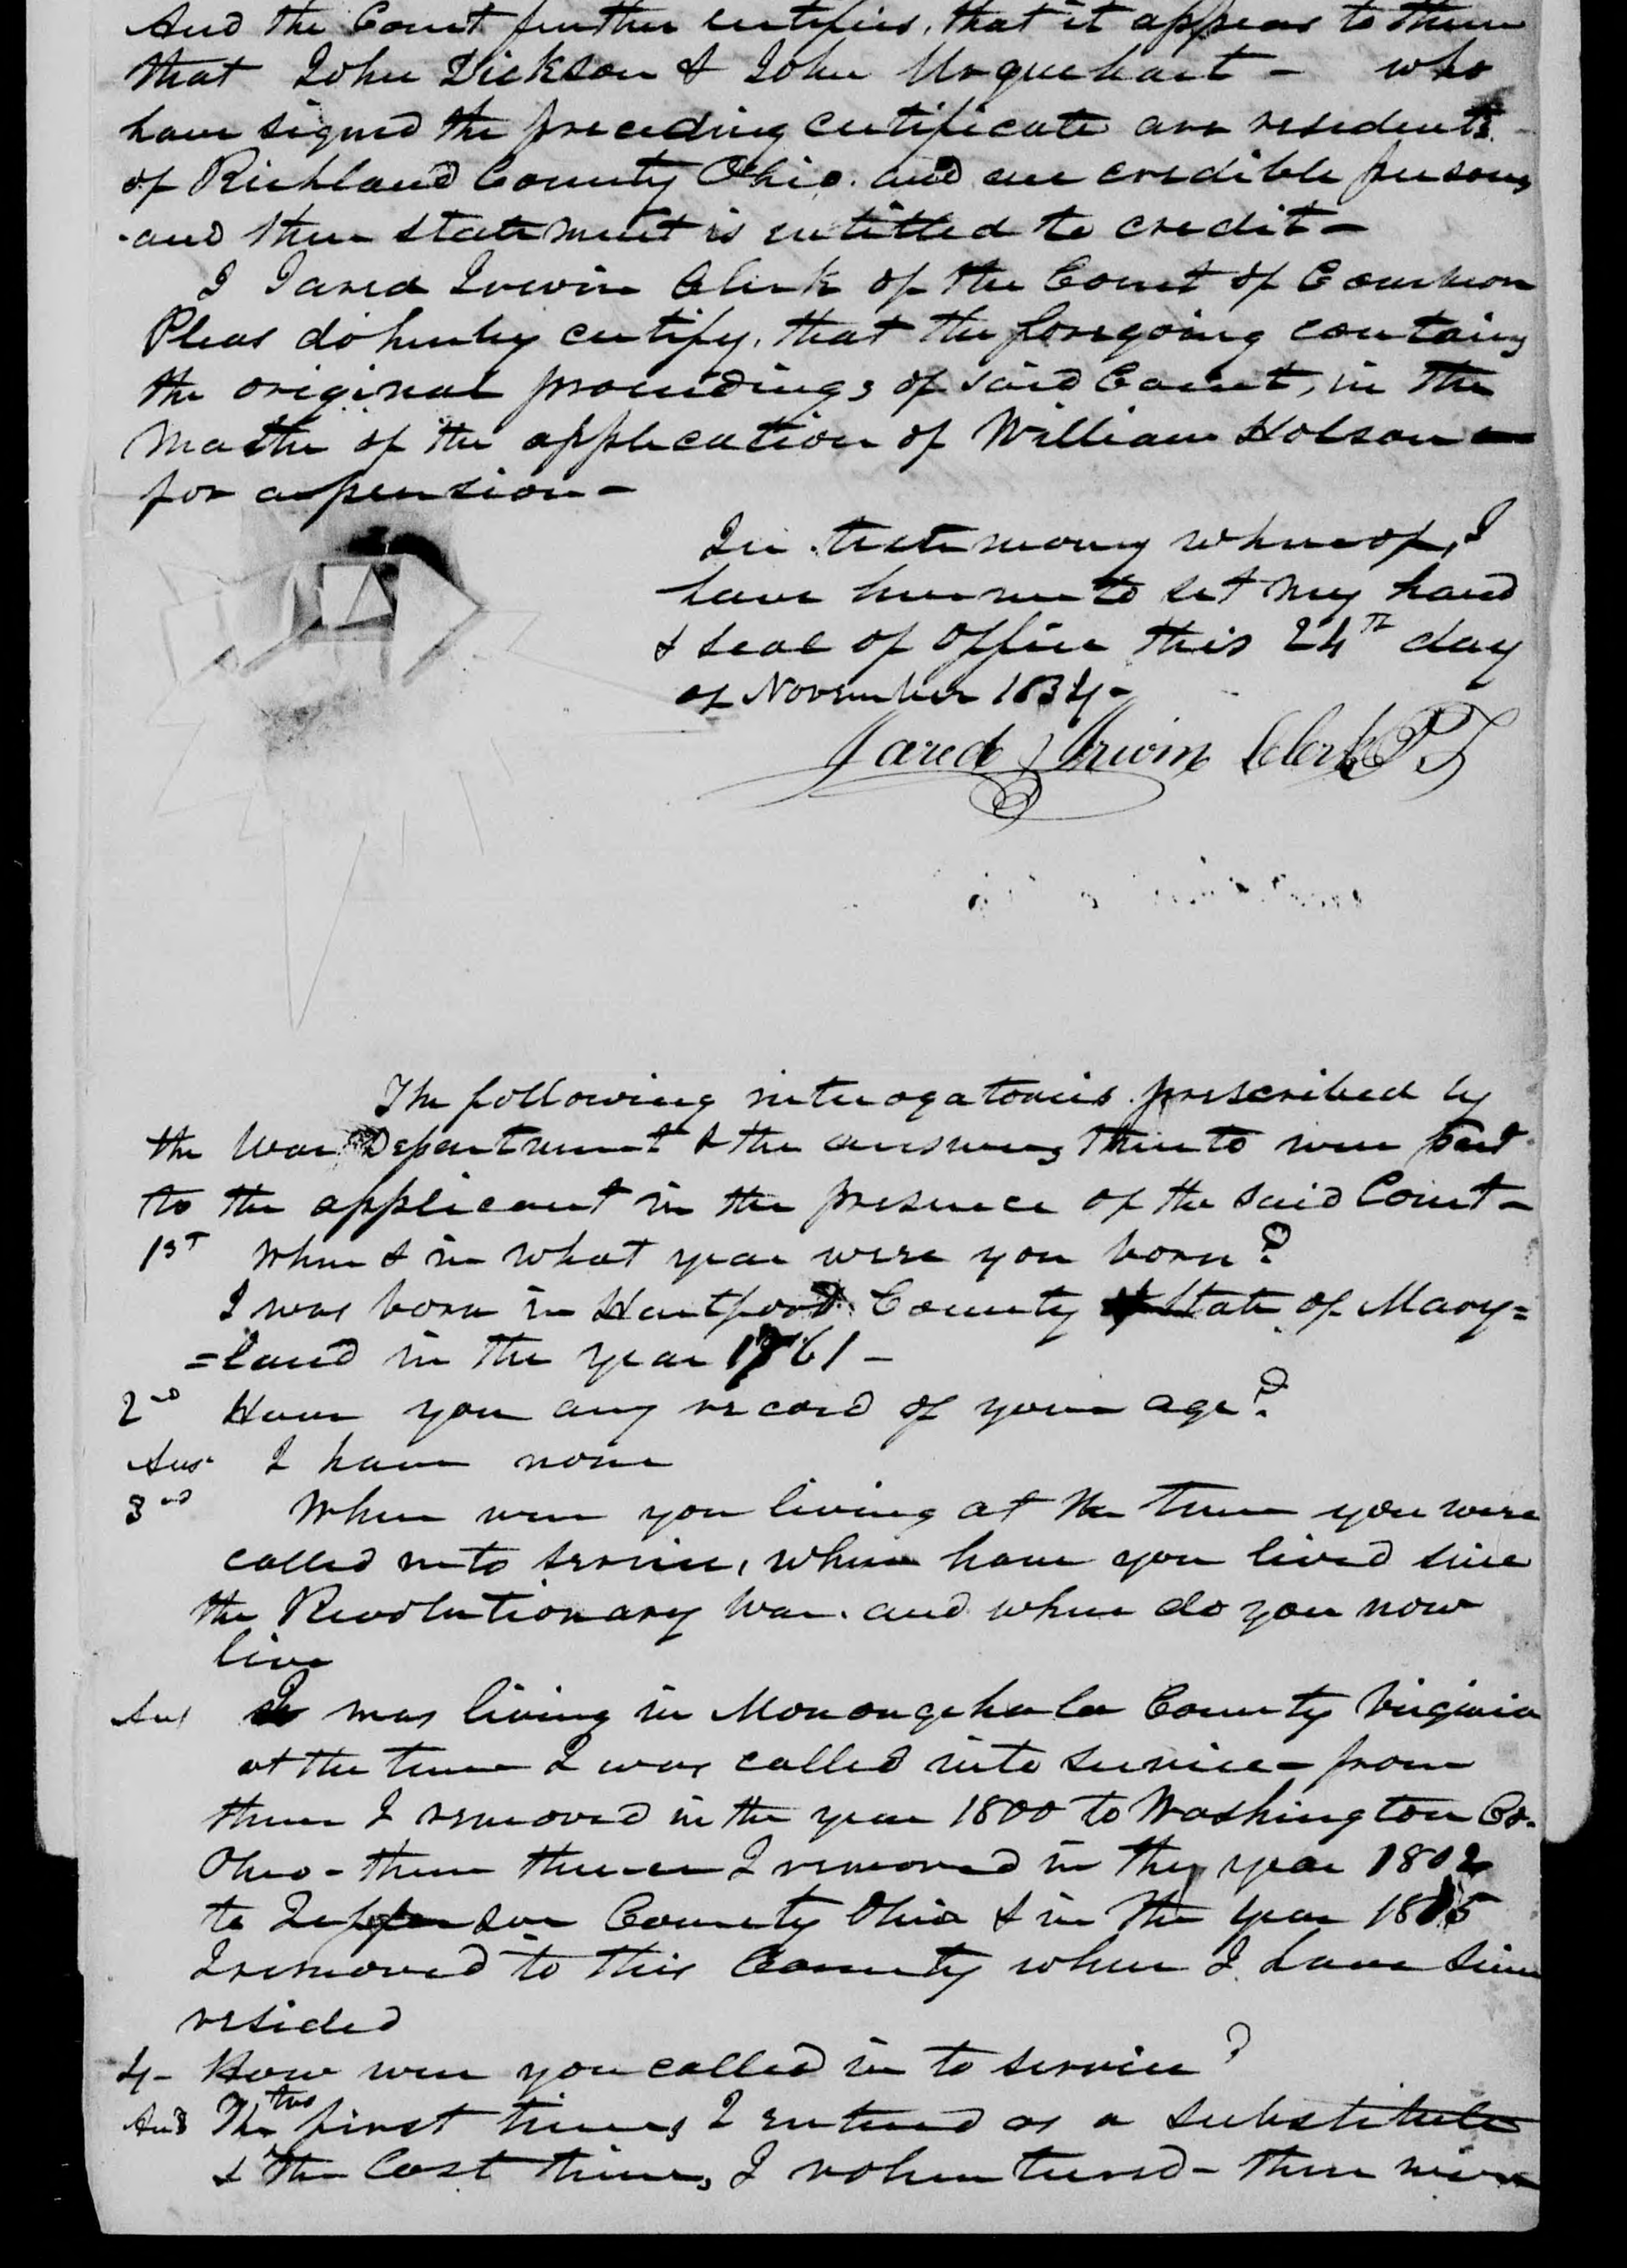And the Court further certifies, that it appears to them that John Hickson & John Urquehart - who have signed the preceding certificate are residents of Richland County Ohio, and are credible persons and their statement is entitled to credit-
I Jared Irwin Clerk of the Court of Common Pleas do hereby certify that the foregoing contains the original proceedings of said Court, in the mater of the application of William Holson for a pension -
In testimony whereof, I have hereunto set my hand & seal of office this 24th day of November 1834-
Jared Irwin Clerk CPL

The following interogations [sic] prescribed by the War Department & the answers thereto were put to the applicant in the presence of the said Court-
1st Where & in what year were you born?
I was born in Hartford County State of Maryland in the year 1761 -
2nd Have you any record of your age?
Ans. I have none
3rd Where were you living at the time you were called into service, where have you lived since the Revolutionary war, and where do you now live?
Ans I was living in Monongahala [sic] County Virginia at the time i was called into service - from there I removed in the year 1800 to Washington Ct. Ohio - then [illegible] I removed in the year 1812 to Jefferson County Ohio & in the year 1815 I removed to this county where I have since resided.
4- How were you called in to service?
Ans The two first times I entered as a substitute & the last time, I volunteered - then [illegible]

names: Jared Irwin, John Dickson, Jared Irwin, John Urquehart, William Holson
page: 5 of 33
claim: survivor's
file: S. 9587, William Holson, Va.